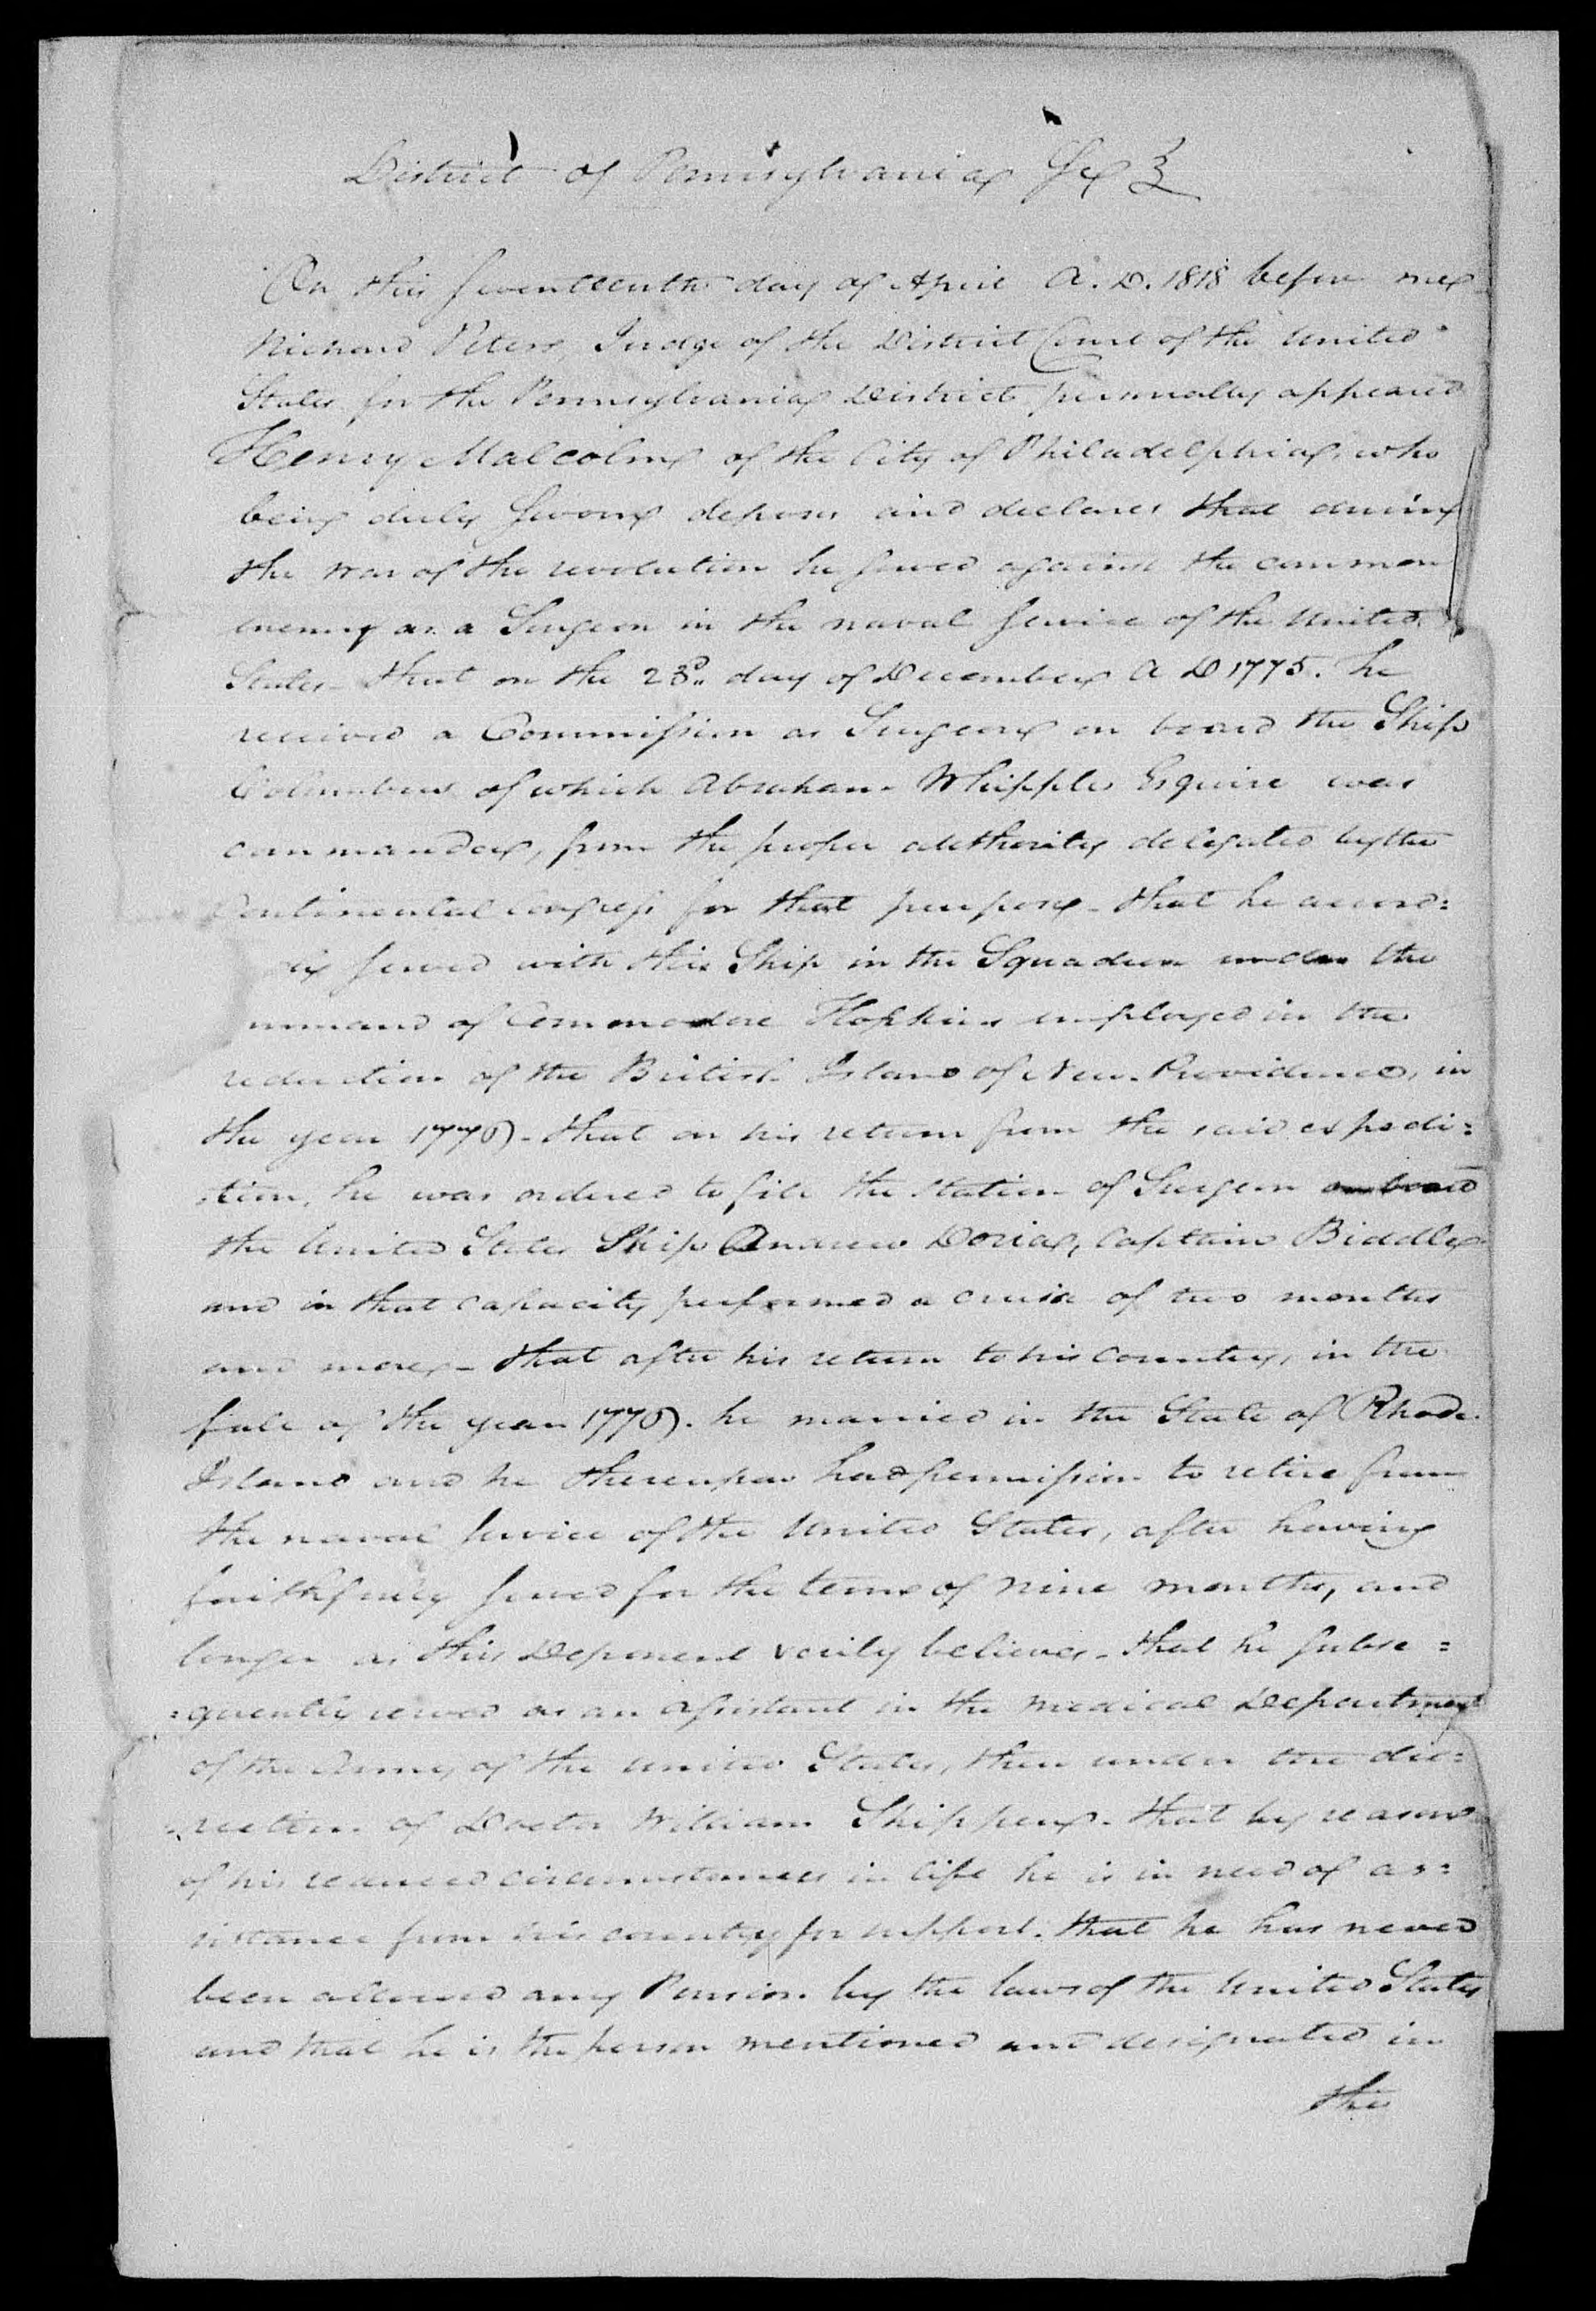District of Pennsylvania 

On this Seventeenth day of April A.D. 1818 before me Richard Peters, Judge of the District Court of the United States for the Pennsylvania District personally appeared Henry Malcolm of the City of Philadelphia, who being duly sworn deposes and declares that during the war of the revolution he served against the common enemy as a Surgeon in the naval service of the United States. that on the 23d day of December AD 1775 he received a Commission as Surgeon on board the Ship Columbus of which Abraham Whipple Esquire was Commander from the proper authority delegated by the Continental Congress for that purpose.  that he accordingly served with this ship in the Squadron under the command of Commodore Hopkins, employed in the reduction of the British Island of New Providence, in the year 1776.  that on his return from the said expedition, he was ordered to fill the station of Surgeon onbaord  the United States Ship Andrea Doria, Captain Biddle, and in that capacity performed a cruise of two months and more.  that after his return to his country, in the fall of the year 1776 he married in the State of Rhode Island and he thereupon had permission to retire from the naval service of the United States, after having faithfully served for the term of nine months, and longer a this Deponent verily believes. that he subsequently served as an assistant in the Medical Department of the Army of the United States, then under the direction of Doctor William Shippens.  that by reason of his reduced circumstances in life he is in need of assistance from his country for support, that he has never
been allowed any pension by the laws of the United States and that he is the person mentioned and designated in
the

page: 10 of 28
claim: survivor's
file: S. 5,048, for Henry Malcolm